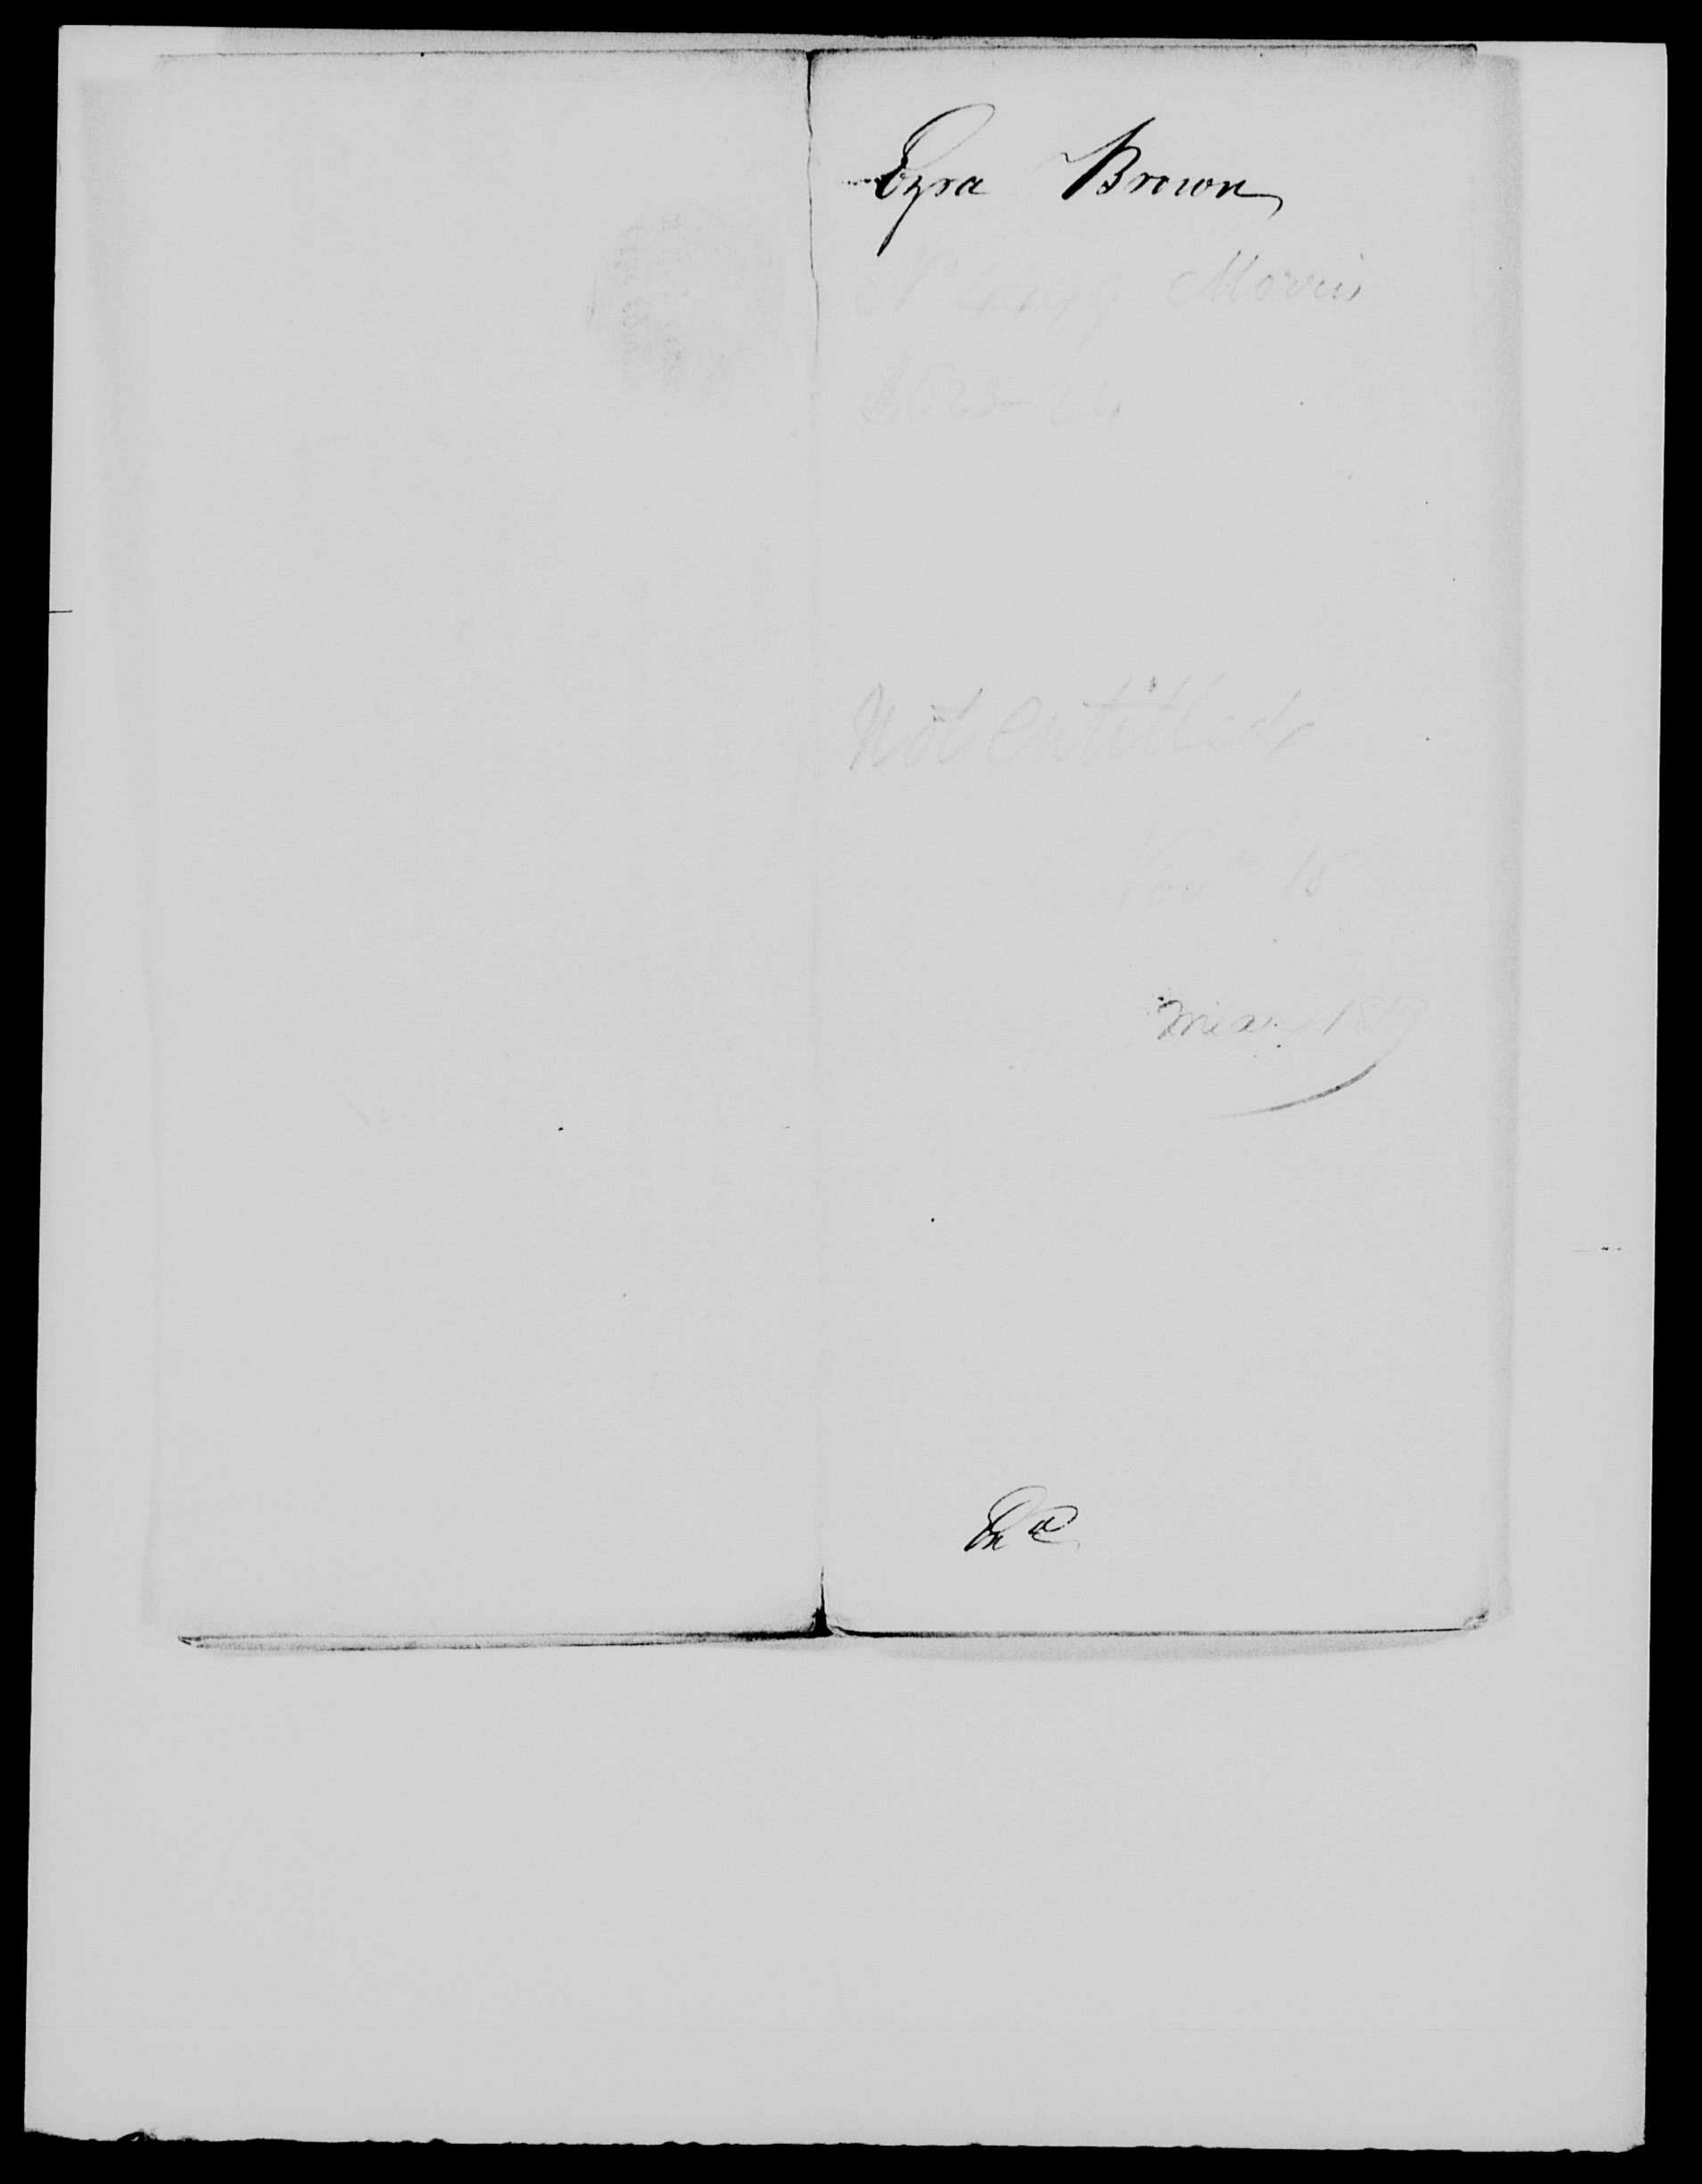Ezra Brown
County Morris

Not entitled

Mar 1819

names: Ezra Brown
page: 7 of 27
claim: survivor's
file: S. 34,094, Ezra Brown, New Jersey